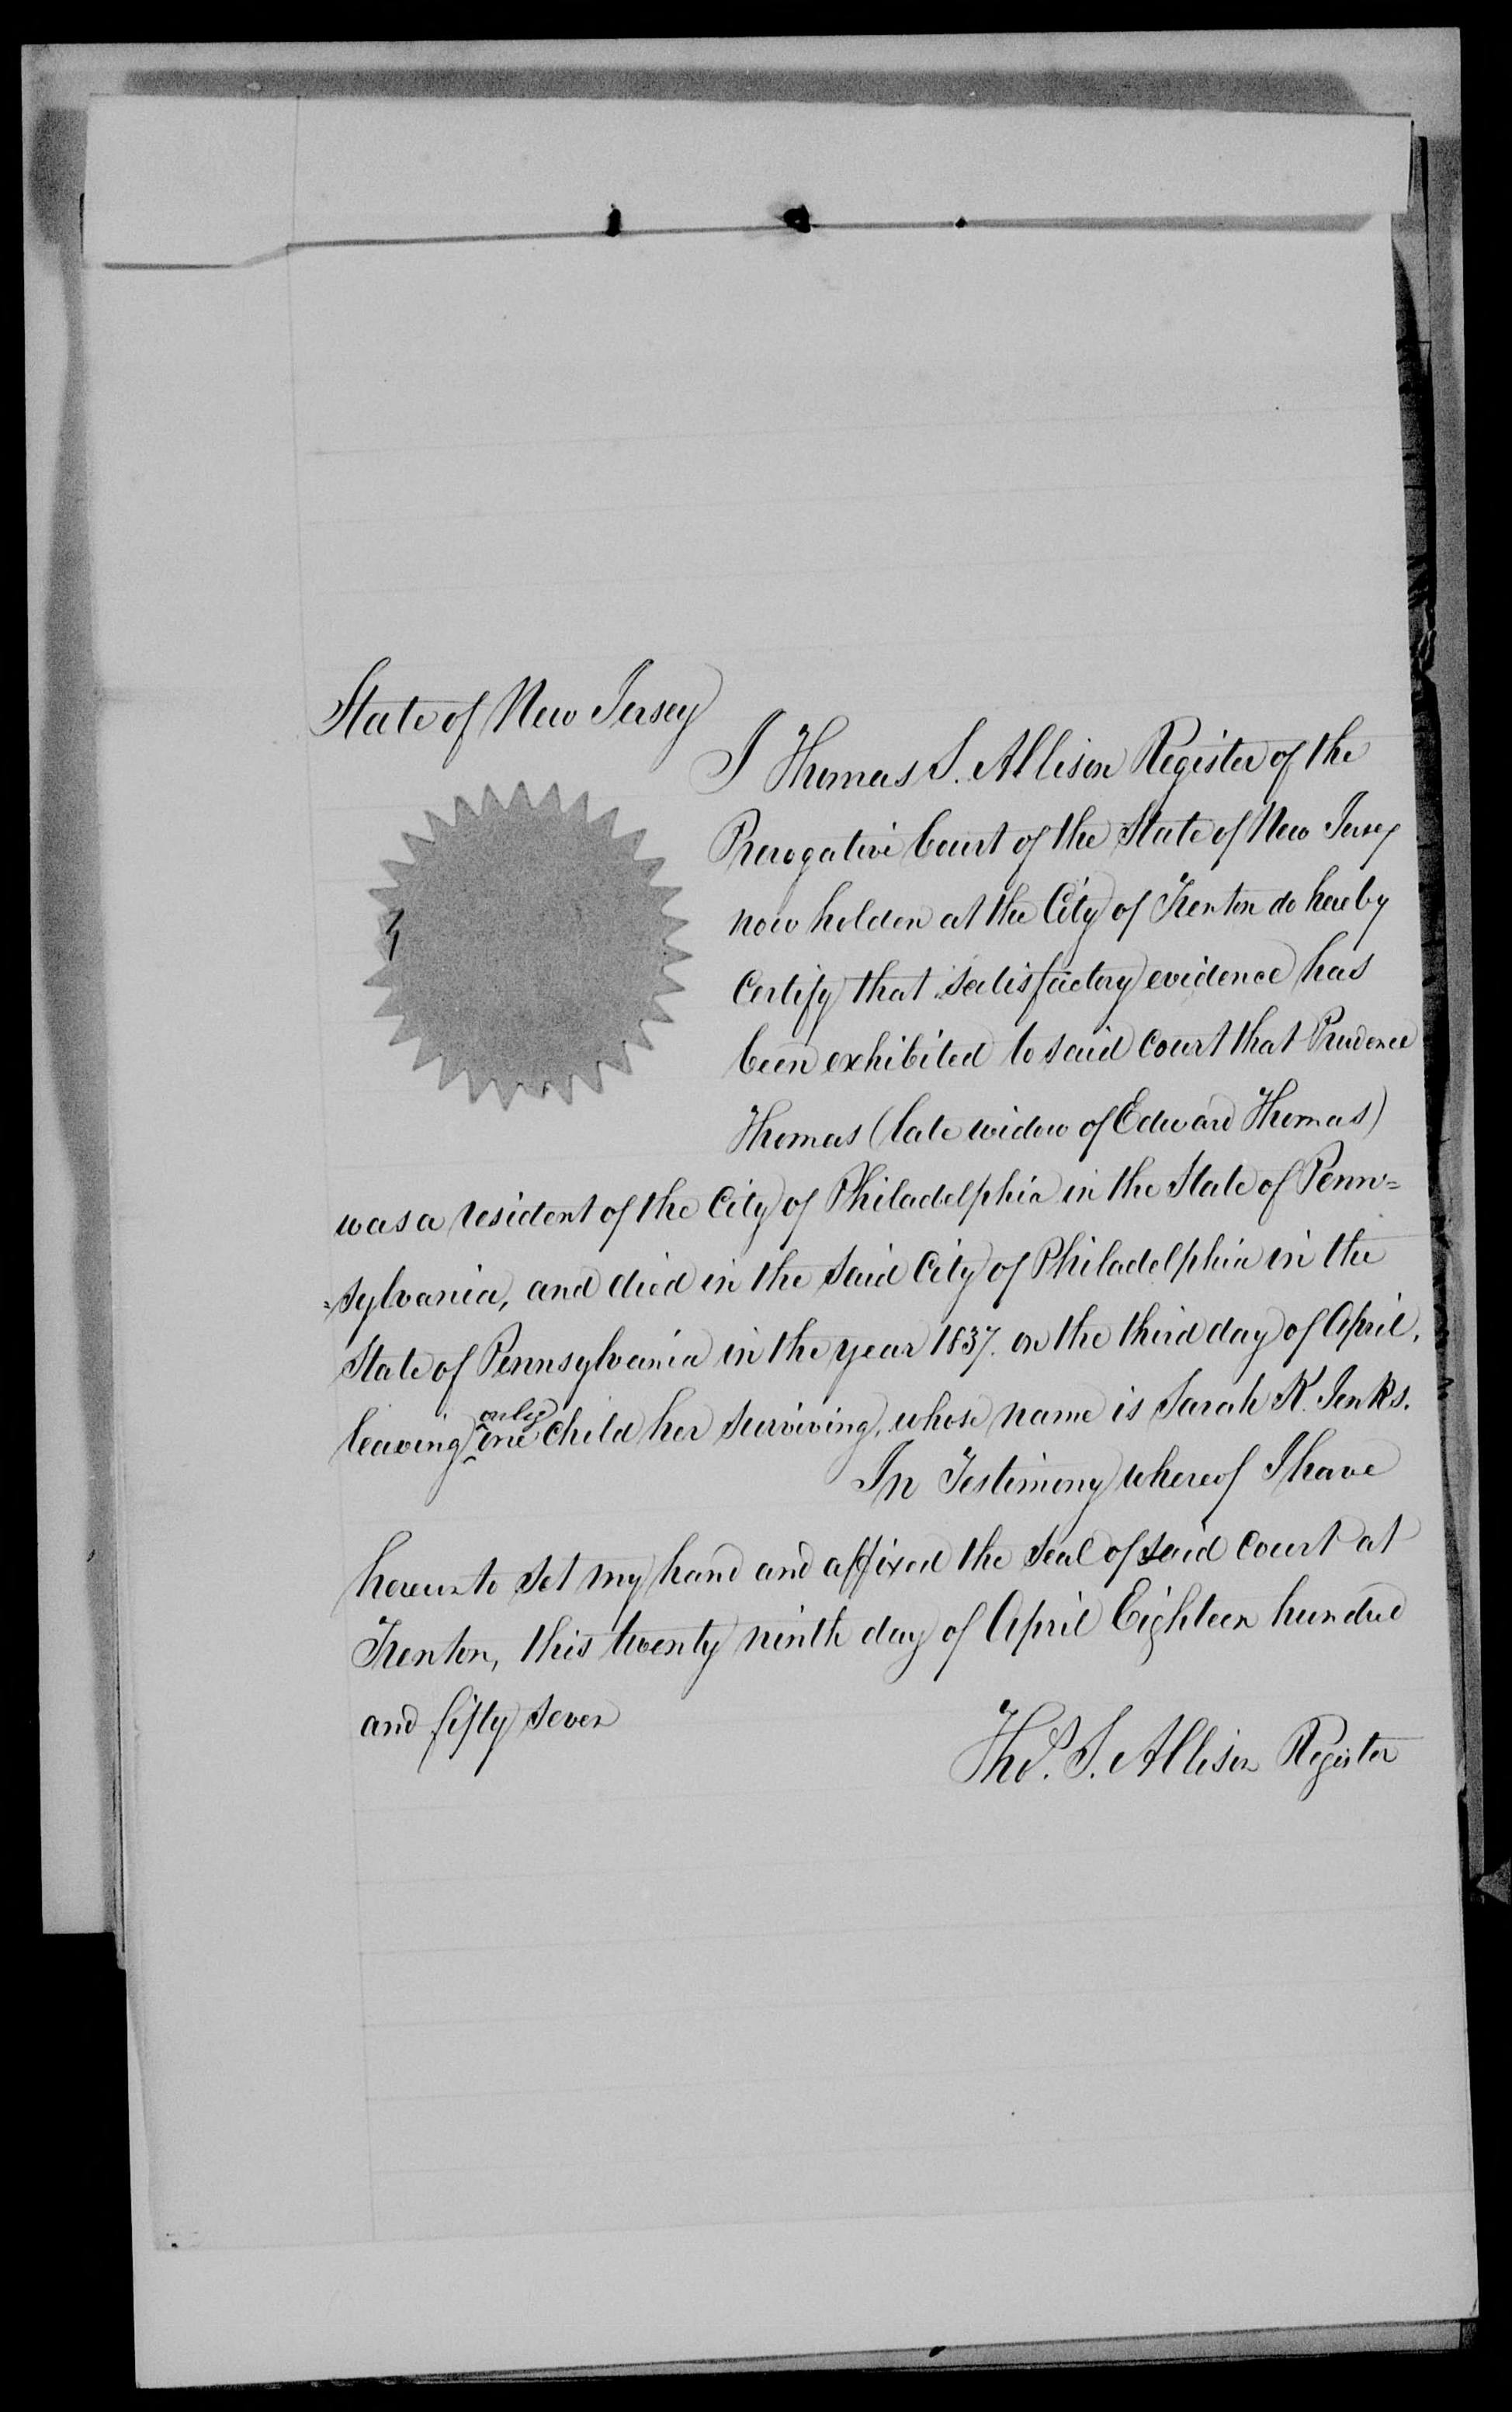State of New Jersey
I Thomas S Allison Register of the Prerogative Court of the State of New Jersey now holden at the City of Trenton do hereby certify that satisfactory evidence has been exhibited to said court that Prudence Thomas (late widow of Edward Thomas) was a resident of the City of Philadelphia in the State of Pennsylvania, and died in the said city of Philadelphia in the State of Pennsylvania in the year 1837 on the third day of April leaving only one child her surviving, whose name is Sara K. Jenks. 
In testimony whereof I have herein set my hand and affixed the seal of said court at Trenton, this twenty ninth day of April Eighteen hundred and fifty seven
Thomas. S Allison Register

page: 23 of 25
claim: rejected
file: R. 10513, for Edward Thomas, New Jersey